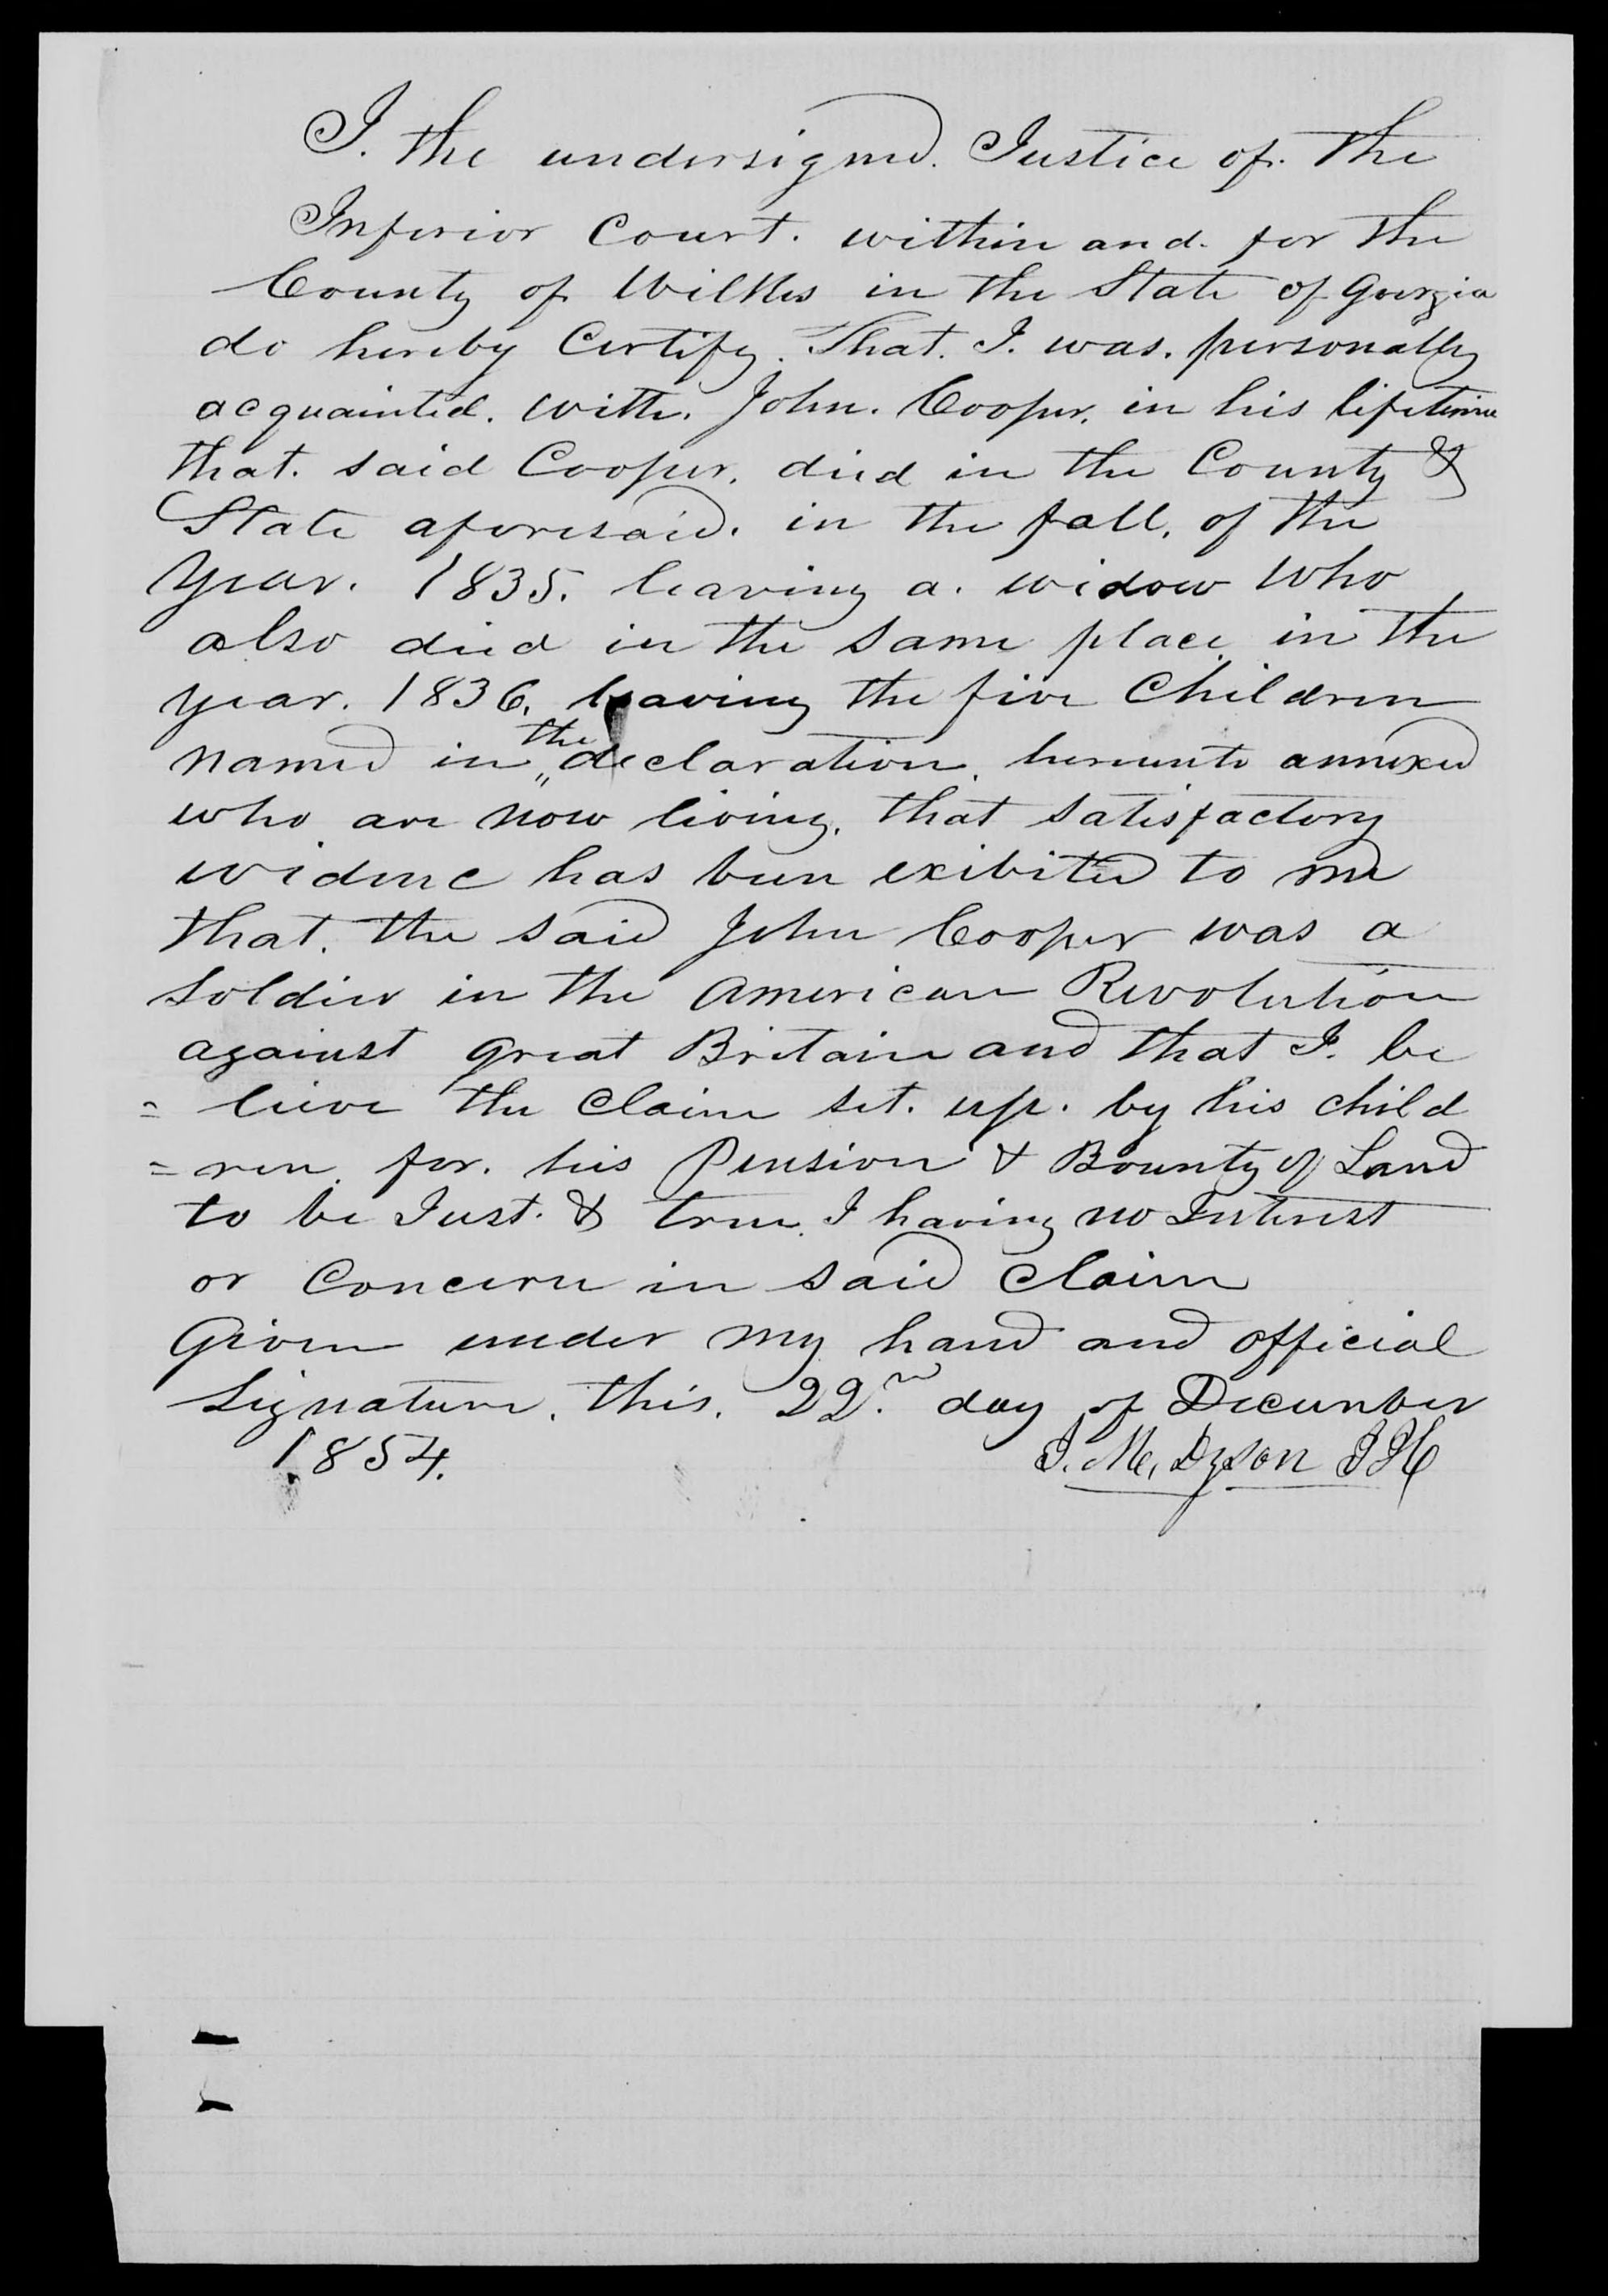I the undersigned Justice of the Inferior Court within and for the County of Wilkes in the State of Georgia do hereby certify. That I was personally acquainted with John Cooper in his lifetime. That said Cooper died in the County &
State aforesaid, in the fall of the year 1835, leaving a widow who also died in the same place in the year 1836, leaving the five children
named in the declaration hereunto annexed
who are now living, that satisfactory evidence has been exibited to me that the said John Cooper was a Soldier in the American Revolution
against Great Britain and that I believe the claim set up by his children for his Pension & Bounty of Land to be just & true. I having no interest or concern in said claim Given under my hand and official Signature this 22 day of December 1854. 
J. M Dyson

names: John Cooper, John Cooper, Cooper, J M Dyson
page: 16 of 17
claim: rejected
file: R. 2,300, John Cooper, Va.